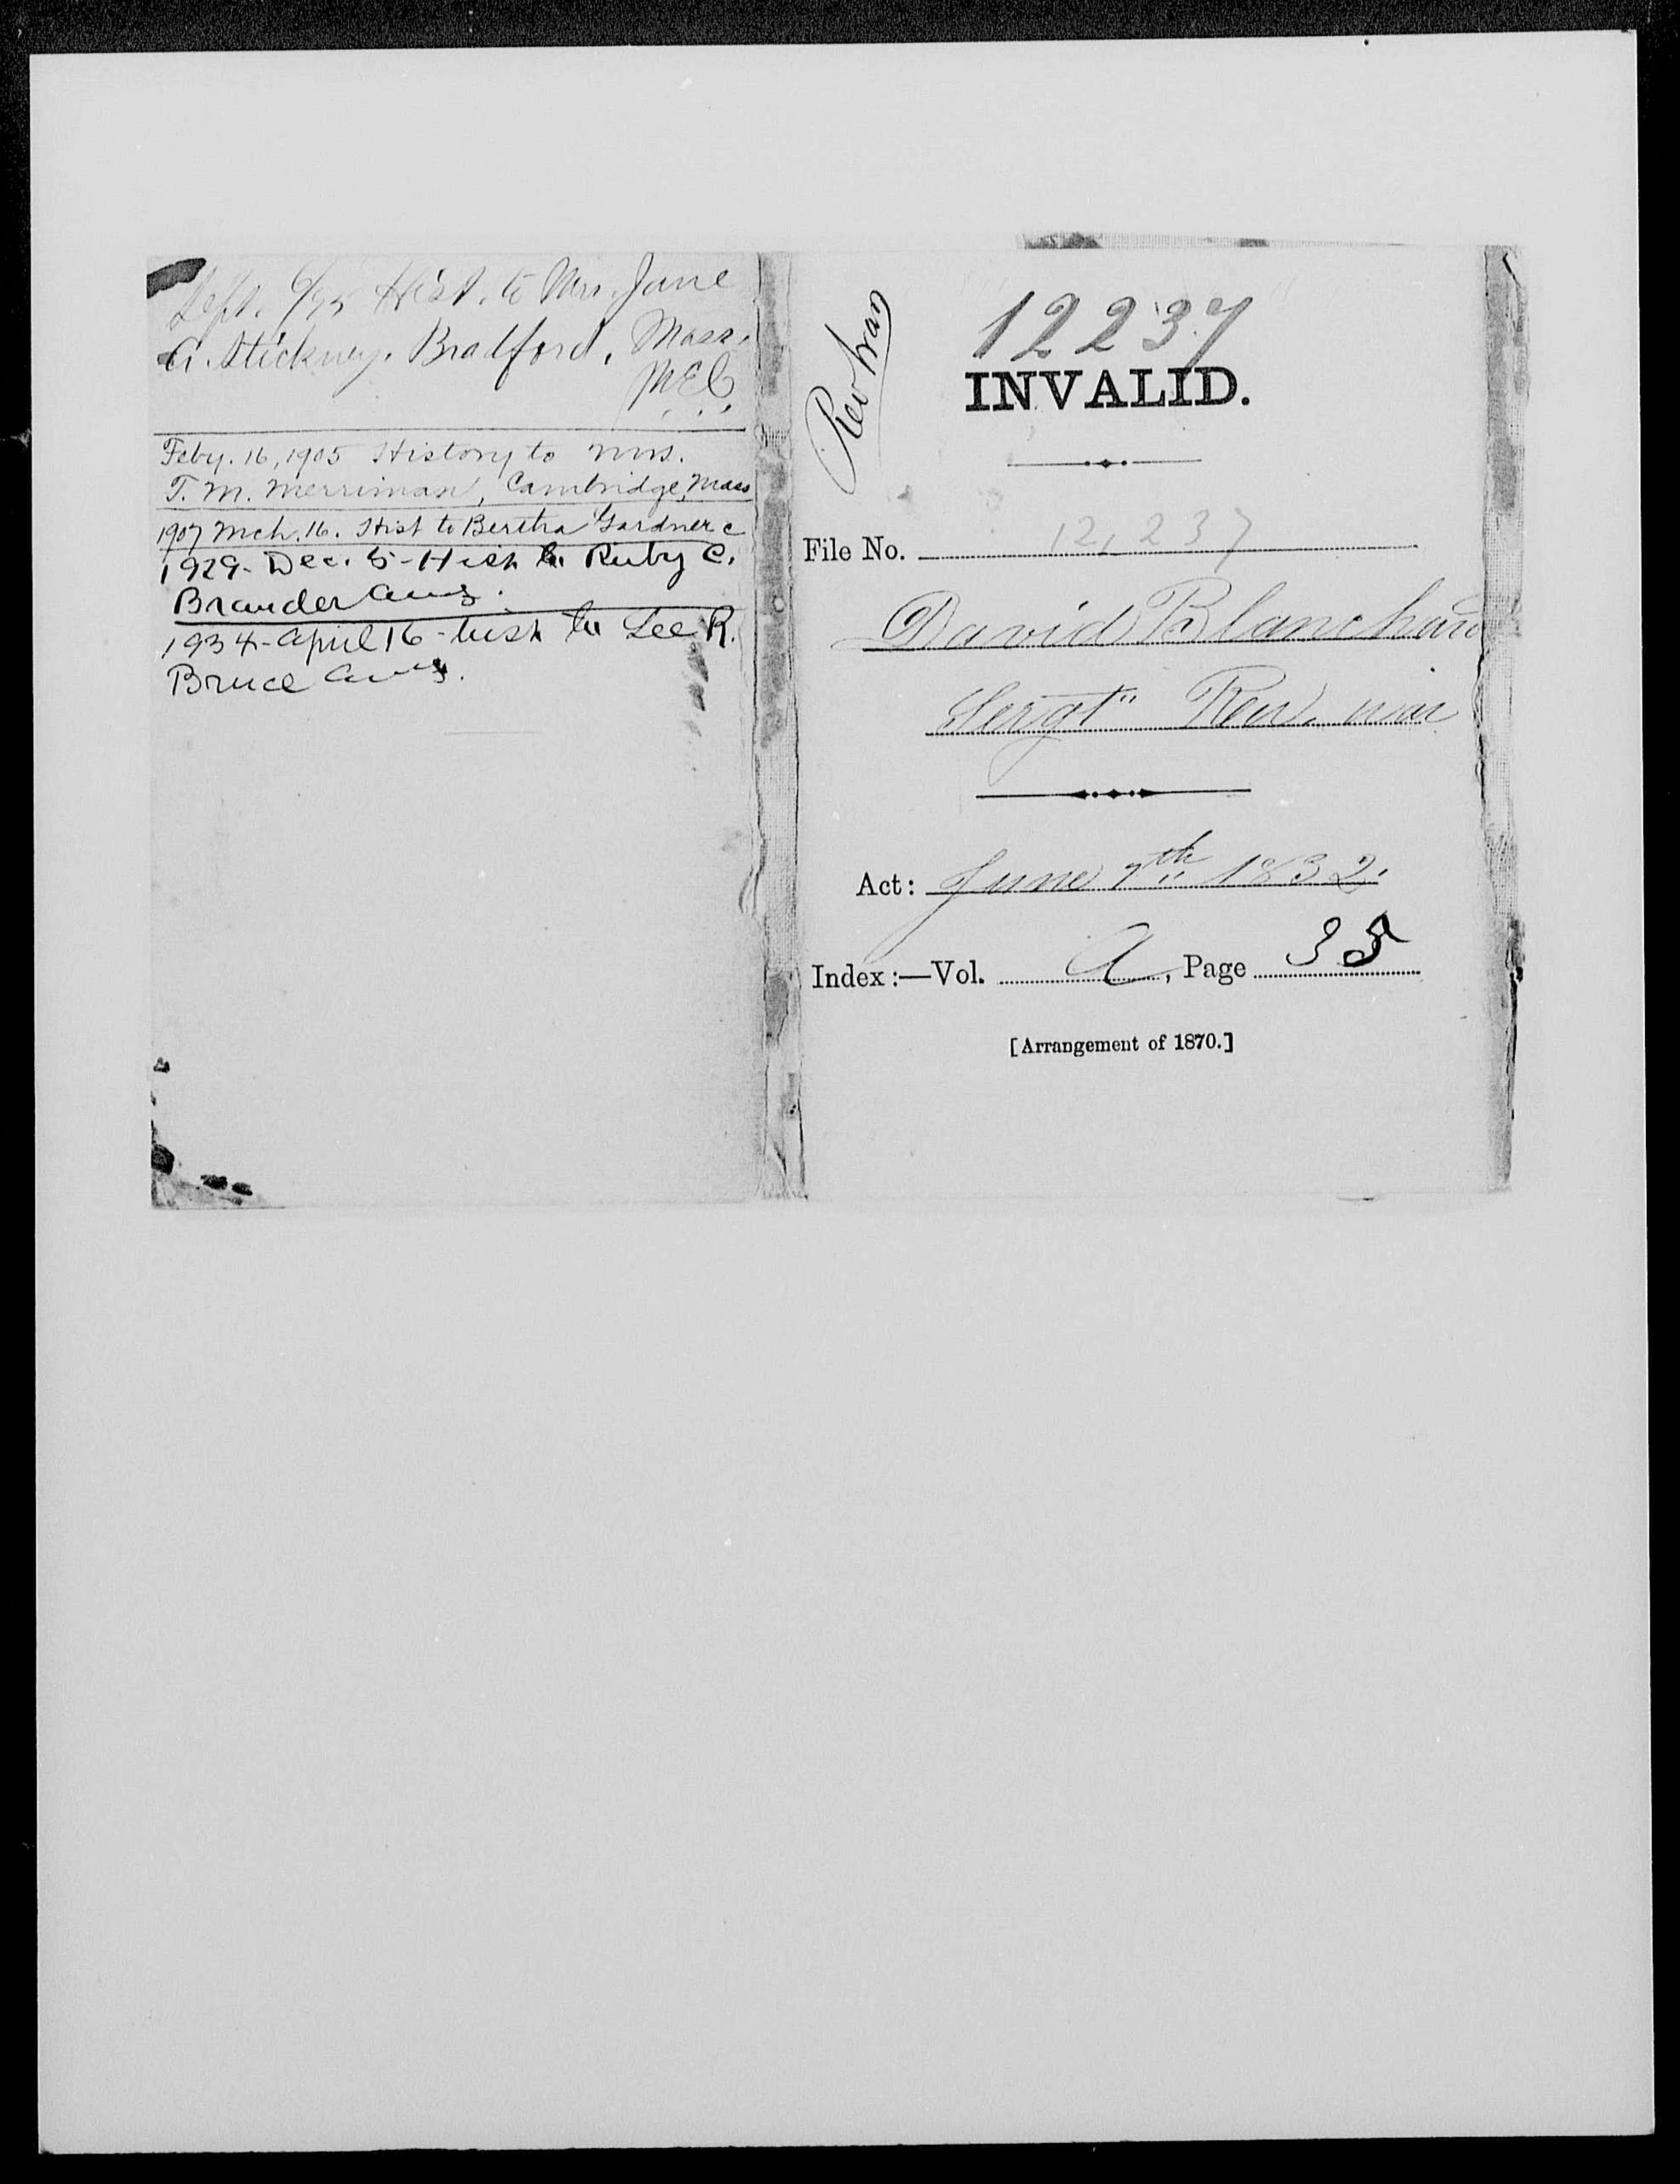Sept. 6/95 Hist to Jane A. Stickney, Bradford, Mass. M. E. C.
Feby. 16, 1905 History to Mrs. T.M. Merriman, Cambridge, Mass.
1907 Mch. 16 Hist to Bertha Gardner c
1929 Dec. 5 Hist to Ruby C. Brander any.
1934 April 16 Hist to Lee R. Bruce any.

Rev War
12237
Invalid
File No. 12,237
David Blanchard Sergt Rev. War
Act: June 7th 1832
Index: [blank] Vol. A, Page 35
[Arangement of 1870.]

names: David Blanchard, Jane A Stickney, T M Merriman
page: 10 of 23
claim: survivor's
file: S. 12237, David Blanchard, N. H.